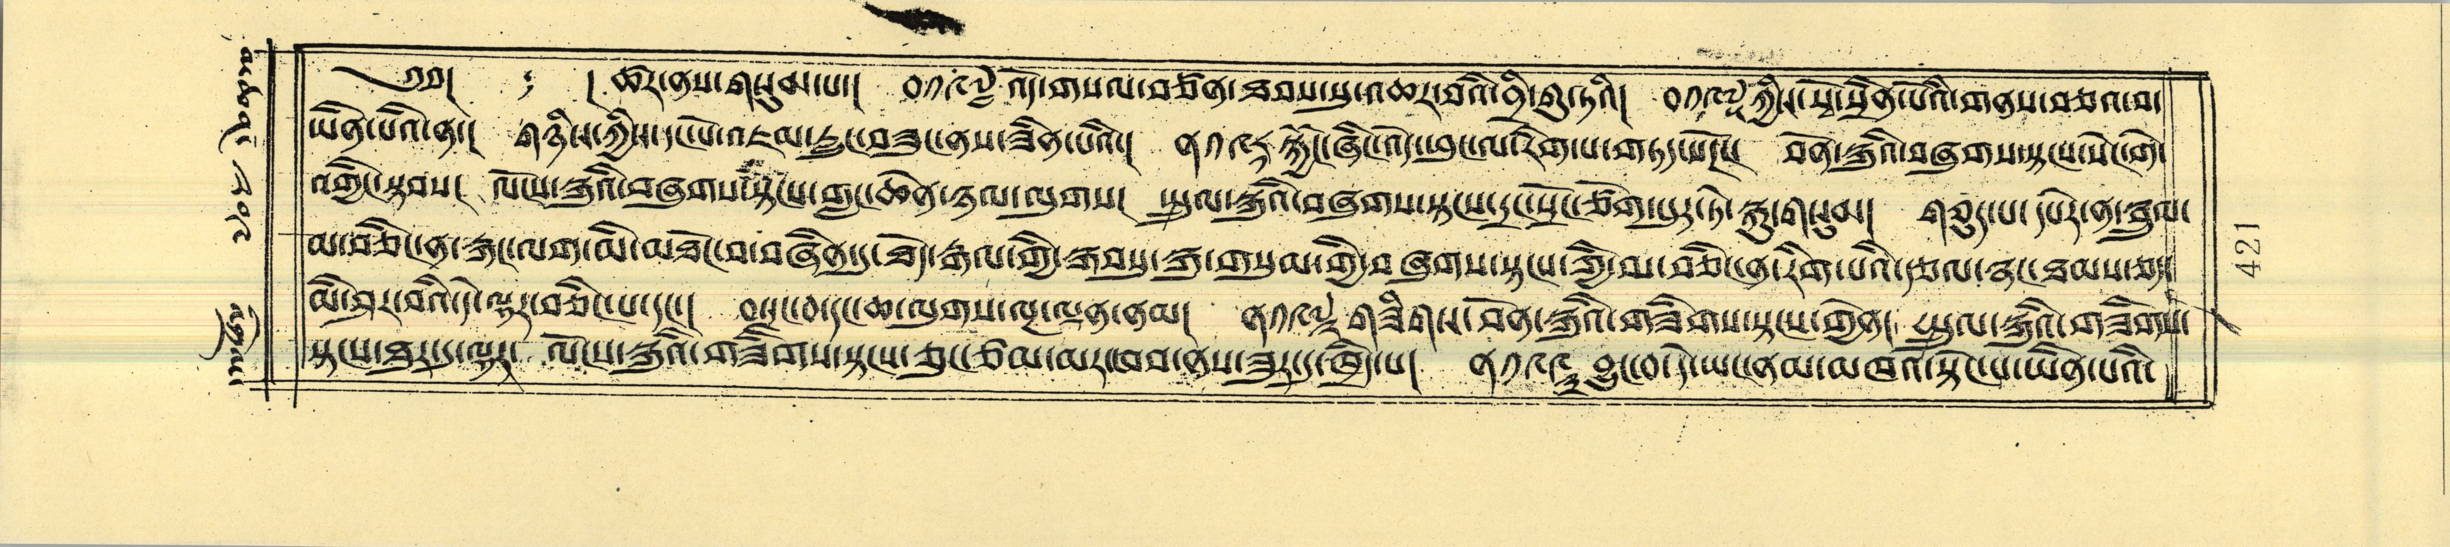ཚར་ནས་གསུམ་པ་བ༡༩༧།༡འོད་གསལ་བཙན་ཐབས་སུ་འཆར་བའི་༼བྲི་གུ་ཏའི༽བ༡༩༧།༥༼ཀྱིས༽སོ་སྲིན་པོའི་གནས་བཅའ་བ་
ཡིན་པའི་ན་༼གཉིས་ཀྱིས༽དང་པོ་འཇམ་རླུང་བཟུང་ནས་ཟིན་པའི། ན༡༩༨།༡༼སྐྱོང་༽ཞིང་འོད་ཕུང་ལ་རིག་པ་གཏད་སོགས། བོན་སྐུའི་བཞུགས་སྟངས་སེང་གེ་
འགྱིང་སྟབས། ལོངས་སྐུའི་བཞུགས་སྟངས་གླང་ཆེན་ཉལ་ལུགས། སྤྲུལ་སྐུའི་བཞུགས་སྟངས་དྲང་སྲོང་ཙོག་པུར་ཏེ་༼སྐུ་གསུམ༽༼གཅུད་པ༽དཔེར་ན་སྦྲུལ་
མ་བཅིངས་ན་རྐང་ལག་མི་མཐོང་བ་བཞིན་དུ་ཐོད་རྒལ་གྱི་ལམ་དུ་སྐུ་གསུམ་གྱི་བཞུགས་སྟངས་ཀྱིས་མ་བཅིངས་ན་རིག་པའི་རྩལ་སྣང་ཐམས་ཅད་
མི་ཤར་བས་དེ་ལྟར་བཅིངས་པ་དང་། བསླང་བ་དང་ཆ་ལུགས་ལྔ་ལྡན་ནམ། ན༡༩༧།༢༼གཟིགས༽བོན་སྐུའི་གཟིགས་སྟངས་༼གྱེན༽སྤྲུལ་སྐུའི་གཟིགས་
སྟངས་ཐུར་དུ་བལྟ། ལོངས་སྐུའི་གཟིགས་སྟངས་ཅུང་ཙམ་མར་ཕབ་ནས་ཟུར་དུ་ཁྲིད་པ། ན༡༩༩།༣༼བྱུང་བ༽དེ་ཡང་ནམ་མཁའ་སྟོང་པ་ཡིན་པའི་